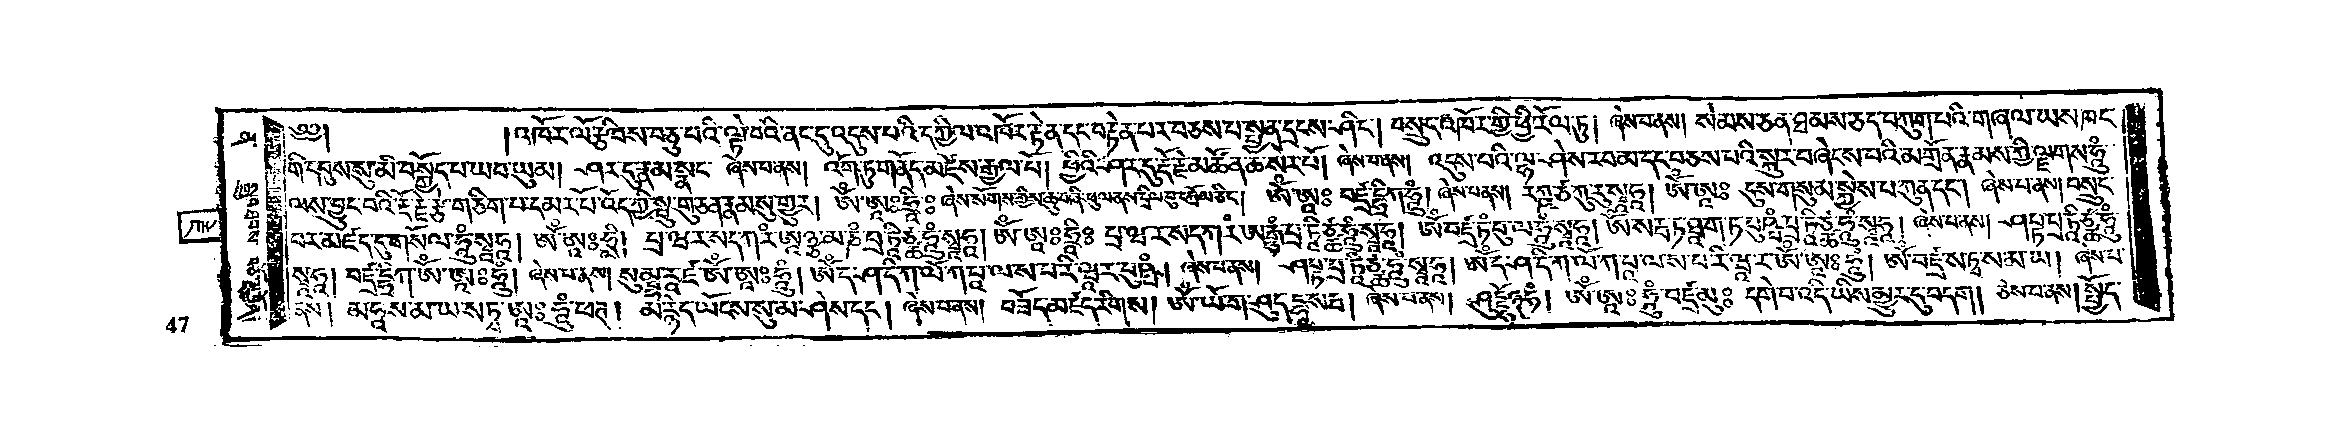༄༅། །འཁོར་ལོ་རྩིབས་བཅུ་པའི་ལྟེ་བའི་ནང་དུ་འདུས་པའི་དཀྱིལ་འཁོར་རྟེན་དང་བརྟེན་པར་བཅས་པ་སྤྱན་དྲངས་ཤིང་། བསྲུང་འཁོར་གྱི་ཕྱི་རོལ་ཏུ། ཞེས་པ་ནས།  སེམས་ཅན་ཐམས་ཅད་བཀུག་པའི་གཞལ་ཡས་ཁང་
གི་དབུས་སུ་མི་བསྐྱོད་པ་ཡབ་ཡུམ། ཤར་དུ་རྣམ་སྣང་ཞེས་པ་ནས།  འོག་ཏུ་གནོད་མཛེས་རྒྱལ་པོ། ཕྱིའི་ཤར་དུ་རྡོ་རྗེ་མཚོན་ཆ་སེར་པོ། ཞེས་པ་ནས།  འདུས་པའི་ལྷ་ཤེས་རབ་མ་དང་བཅས་པའི་སྐུར་བཞེངས་པའི་མགྲོན་རྣམས་ཀྱི་ལྗགས་ཧཱུཾ་
ལས་བྱུང་བའི་རྡོ་རྗེ་རྩེ་གཅིག་པ་དམར་པོ་འོད་ཀྱི་སྦུ་གུ་ཅན་རྣམས་སུ་གྱུར། ཨོཾ་ཨཱཿ ཧྲཱིཿ ཞེས་སོགས་ཀྱིས་ཆུ་བཞི་ཕུལ་ནས་དྲིལ་བུ་དཀྲོལ་ཅིང་།  ཨོཾ་ཨཱཿ བཛྲ་དྷྲིཀ་ཧཱུཾ། ཞེས་པ་ནས།  རཀྵ་ཙ་ཀུ་རུ་སྭཱཧཱ། ཨོཾ་ཨཱཿ དུས་གསུམ་སྐྱེས་པ་ཀུན་དང་། ཞེས་པ་ནས།  བསྲུང་
བར་མཛད་དུ་གསོལ་ཧཱུཾ་སྭཱཧཱ། ཨོཾ་ཨཱཿ ཧཱུཾ། པྲ་ཝ་ར་སད་ཀ་རཾ་ཨཱཉྩ་མ་ཎཾ་པྲ་ཏཱིཙྪ་ཧཱུཾ་སྭཱཧཱ། ཨོཾ་ཨཱཿ ཧྲཱིཿ པྲ་ཝ་ར་སད་ཀ་རཾ་ཨརྒྷཾ་པྲ་ཏཱི་ཙྪ་ཧཱུཾ་སྭཱཧཱ། ཨོཾ་བཛྲ་ཏཾ་བུ་ལ་ཧཱུཾ་སྭཱཧཱ། ཨོཾ་སརྦ་ཏ་ཐཱ་ག་ཏ་པུཥྤཾ་པྲ་ཏཱི་ཙྪ་ཧཱུཾ་སྭཱཧཱ། ཞེས་པ་ནས།  ཤཔྟ་པྲ་ཏཱི་ཙྪ་ཧཱུཾ་
སྭཱཧཱ། བཛྲ་དྷྲིཀ་ཨོཾ་ཨཱཿ ཧཱུཾ། ཞེས་པ་ནས།  སུམྦྷ་རཱ་ཛ་ཨོཾ་ཨཱཿ ཧཱུཾ། ཨོཾ་ད་ཤ་དི་ཀ་ལོ་ཀ་པཱ་ལ་ས་པ་རི་ཝཱ་ར་པུཥྤཾ། ཞེས་པ་ནས།  ཤཔྟ་པྲ་ཏཱི་ཙྪ་ཧཱུཾ་སྭཱཧཱ། ཨོཾ་ད་ཤ་དི་ཀ་ལོ་ཀ་པཱ་ལ་ས་པ་རི་ཝཱ་ར་ཨོཾ་ཨཱཿ ཧཱུཾ། ཨོཾ་བཛྲ་ས་ཏྭ་ས་མ་ཡ། ཞེས་པ་
ནས། མ་ཧཱ་ས་མ་ཡ་ས་ཏྭ་ཨཱཿ ཧཱུཾ་ཕཊ། མ་རྙེད་ཡོངས་སུ་མ་ཤེས་དང་། ཞེས་པ་ནས།  བཟོད་མཛད་རིགས། ཨོཾ་ཡོ་ག་ཤུད་དྷཱ་སརྦ། ཞེས་པ་ནས།  ཤུདྡྷོཉཧཾ། ཨོཾ་ཨཱཿ ཧཱུཾ་བཛྲ་མུཿ དགེ་བ་འདི་ཡིས་མྱུར་དུ་བདག ། ཅེས་པ་ནས།  སྤྱོད་